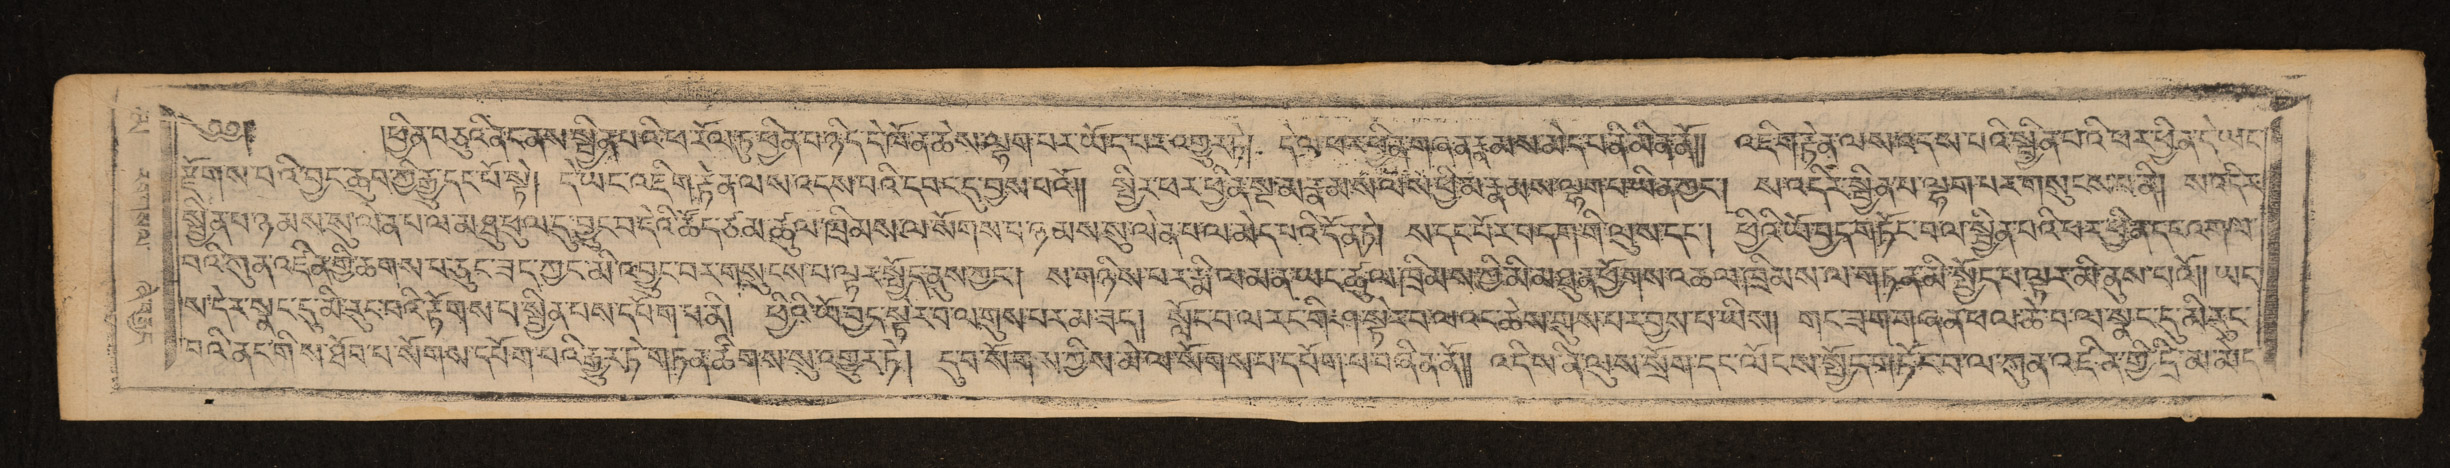༄༅། །ཕྱིན་བཅུའི་ནང་ནས་སྦྱིན་པའི་ཕ་རོལ་ཏུ་ཕྱིན་པ་ཉིད་དེ་ཁོ་ན་ཆེས་ལྷག་པར་ཡོད་པར་འགྱུར་ཏེ། དེ་ལ་ཕར་ཕྱིན་གཞན་རྣམས་མེད་པ་ནི་མིན་ནོ།། འཇིག་རྟེན་ལས་འདས་པའི་སྦྱིན་པའི་ཕར་ཕྱིན་དེ་ཡང་
རྫོགས་པའི་བྱང་ཆུབ་ཀྱི་རྒྱུ་དང་པོ་སྟེ། དེ་ཡང་འཇིག་རྟེན་ལས་འདས་པའི་དབང་དུ་བྱས་པའོ།། སྤྱིར་ཕར་ཕྱིན་སྔ་མ་རྣམས་ལས་ཕྱི་མ་རྣམས་ལྷག་པ་ཡིན་ཀྱང་། ས་འདིར་སྦྱིན་པ་ལྷག་པར་གསུངས་པ་ནི། ས་འདིར་
སྦྱིན་པ་ཉམས་སུ་ལེན་པ་ལ་མཐུ་ཕུལ་དུ་བྱུང་བ་དེའི་ཚོད་ཙམ་ཚུལ་ཁྲིམས་ལ་སོགས་པ་ཉམས་སུ་ལེན་པ་ལ་མེད་པའི་དོན་ཏེ། ས་དང་པོར་བདག་གི་ལུས་དང་། ཕྱིའི་ཡོ་བྱད་གཏོང་བ་ལ་སྦྱིན་པའི་ཕར་ཕྱིན་དང་འགལ་
བའི་ཀུན་འཛིན་གྱི་ཆགས་པ་ཅུང་ཟད་ཀྱང་མི་འབྱུང་བར་གསུངས་པ་ལྟར་སྤྱོད་ནུས་ཀྱང་། ས་གཉིས་པར་རྨི་ལམ་ན་ཡང་ཚུལ་ཁྲིམས་ཀྱི་མི་མཐུན་ཕྱོགས་འཆལ་ཁྲིམས་ལ་གཏན་མི་སྤྱོད་པ་ལྟར་མི་ནུས་པའོ།། ཡང་
ས་དེར་སྣང་དུ་མི་རུང་བའི་རྟོགས་པ་སྦྱིན་པས་དཔོག་པ་ནི། ཕྱིའི་ཡོ་བྱད་སྟེར་བ་ལ་གུས་པར་མ་ཟད། སློང་བ་ལ་རང་གི་ཤ་སྟེར་བ་ལའང་ཆེས་གུས་པར་བྱས་པ་ཡིས། གང་ཟག་གཞན་ཕལ་ཆེ་བ་ལ་སྣང་དུ་མི་རུང་
བའི་ནང་གི་ས་ཐོབ་པ་སོགས་དཔོག་པའི་རྒྱུར་ཏེ་གཏན་ཚིགས་སུ་འགྱུར་ཏེ། དུ་བ་སོགས་ཀྱིས་མེ་ལ་སོགས་པ་དཔོག་པ་བཞིན་ནོ།། འདིས་ནི་ལུས་སྲོག་དང་ལོངས་སྤྱོད་གཏོང་བ་ལ་ཀུན་འཛིན་གྱི་དྲི་མ་མེད་